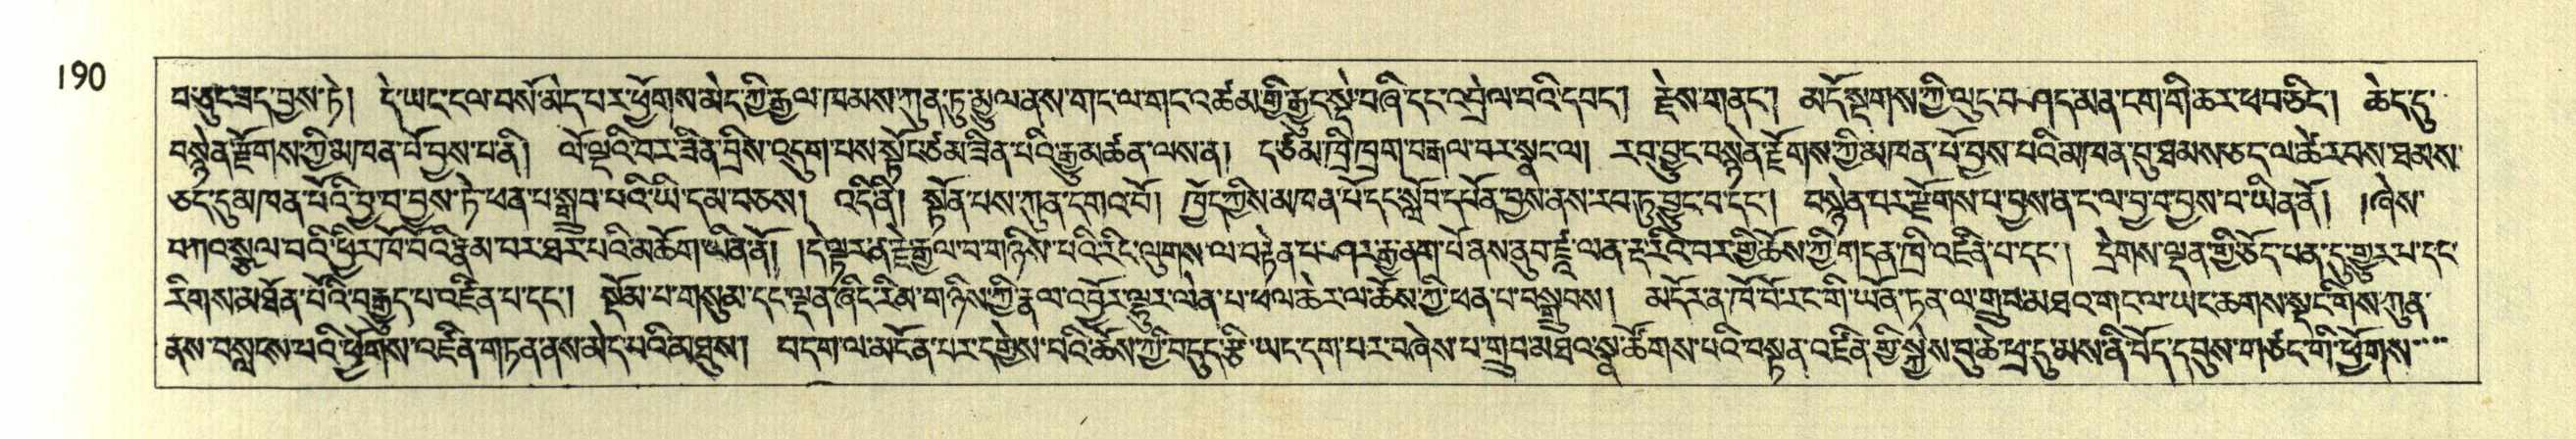བ་ཅུང་ཟད་བྱས་ཏེ། དེ་ཡང་ངལ་བསོ་མེད་པར་ཕྱོགས་མེད་ཀྱི་རྒྱལ་ཁམས་ཀུན་ཏུ་མྱུལ་ནས་གང་ལ་གང་འཚམ་གྱི་རྒྱུད་སྡེ་བཞི་དང་འབྲེལ་བའི་དབང་། རྗེས་གནང་། མདོ་སྔགས་ཀྱི་ལུང་བཤད་མན་ངག་གི་ཆར་ཕབ་ཅིང་། ཆེད་དུ་
བསྙེན་རྫོགས་ཀྱི་མཁན་པོ་བྱས་པ་ནི། ལོ་ལྔའི་བར་ཟིན་བྲིས་འདུག་པས་སྟོང་ཙམ་ཟིན་པའི་རྒྱུ་མཚན་ལས་ན། ད་ཙམ་ཁྲི་ཁྲག་བརྒལ་བར་སྣང་ལ། རབ་བྱུང་བསྙེན་རྫོགས་ཀྱི་མཁན་པོ་བྱས་པའི་མཁན་བུ་ཐམས་ཅད་ལ་ཚེ་རབས་ཐམས་
ཅད་དུ་མཁན་པོའི་བྱ་བ་བྱས་ཏེ་ཕན་པ་སྒྲུབ་པའི་ཡི་དམ་བཅས། འདི་ནི། སྟོན་པས་ཀུན་དགའ་བོ། ཁྱོད་ཀྱིས་མཁན་པོ་དང་སློབ་དཔོན་བྱས་ནས་རབ་ཏུ་བྱུང་བ་དང་། བསྙེན་པར་རྫོགས་པ་བྱས་ན་ང་ལ་བྱ་བ་བྱས་པ་ཡིན་ནོ། །ཞེས་
བཀའ་སྩལ་བའི་ཕྱིར་ཁོ་བོའི་རྣམ་པར་ཐར་པའི་མཆོག་ཡིན་ནོ། །དེ་ལྟར་ན་རྗེ་རྒྱལ་བ་གཉིས་པའི་རིང་ལུགས་ལ་བརྟེན་པ་ཤར་རྒྱ་ནག་པོ་ནས་ནུབ་ཛཱ་ལན་རྡ་རའི་བར་གྱི་ཆོས་ཀྱི་གདན་ཁྲི་འཛིན་པ་དང་། དྲེགས་ལྡན་གྱི་ཅོད་པན་དུ་གྱུར་པ་དང་
རིགས་མཐོན་པོའི་བརྒྱུད་པ་འཛིན་པ་དང་། སྡོམ་པ་གསུམ་དང་ལྡན་ཞིང་རིམ་གཉིས་ཀྱི་རྣལ་འབྱོར་ལྷུར་ལེན་པ་ཕལ་ཆེར་ལ་ཆོས་ཀྱི་ཕན་པ་བསྒྲུབས། མདོར་ན་ཁོ་བོ་རང་གི་ཡོན་ཏན་ལ་གྲུབ་མཐའ་གང་ལ་ཡང་ཆགས་སྡང་གིས་ཀུན་
ནས་བསླངས་པའི་ཕྱོགས་འཛིན་གཏན་ནས་མེད་པའི་མཐུས། བདག་ལ་མངོན་པར་དགྱེས་པའི་ཆོས་ཀྱི་བདུད་རྩི་ཡང་དག་པར་བཞེས་པ་གྲུབ་མཐའ་སྣ་ཚོགས་པའི་བསྟན་འཛིན་གྱི་སྐྱེས་བུ་ཆེ་ཕྲ་དུ་མས་ནི་བོད་དབུས་གཙང་གི་ཕྱོགས་